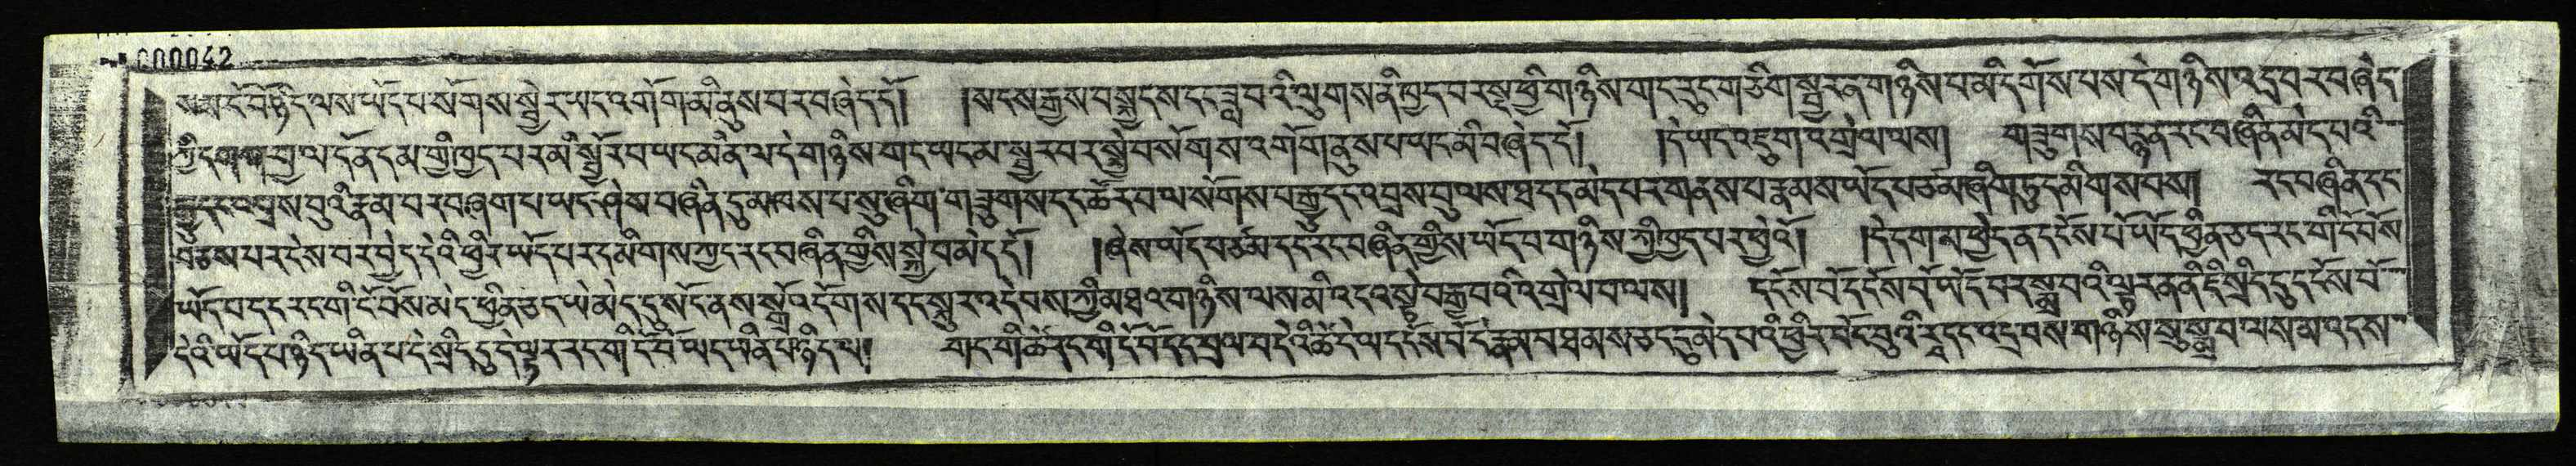སམ་ངོ་བོ་ཉིད་ལས་ཡོད་པ་སོགས་སྦྱོར་ཡང་འགོག་མི་ནུས་བར་བཞེད་དོ། །སངས་རྒྱས་བསྐྱངས་དང་ཟླ་བའི་ལུགས་ནི་ཁྱད་བར་སྔ་ཕྱི་གཉིས་གང་རུང་གཅིག་སྦྱར་ན་གཉིས་པ་མི་དགོས་པས་དེ་གཉིས་འདྲ་བར་བཞེད་
ཀྱི་དགག་བྱ་ལ་དོན་དམ་གྱི་ཁྱད་པར་མི་སྦྱོར་བ་ཡང་མིན་ལ་དེ་གཉིས་གང་ཡང་མ་སྦྱར་བར་སྐྱེ་བ་སོགས་འགོག་ནུས་པ་ཡང་མི་བཞེད་དོ། །དེ་ཡང་འཇུག་འགྲེལ་ལས། གཟུགས་བརྙན་རང་བཞིན་མེད་བའི་
རྒྱུ་དང་འབྲས་བུའི་རྣམ་བར་བཞག་པ་ཡང་ཤེས་བཞིན་དུ་མཁས་པ་སུ་ཞིག་གཟུགས་དང་ཚོར་བ་ལ་སོགས་པ་རྒྱུ་དང་འབྲས་བུ་ལས་ཐ་དད་མེད་བར་གནས་པ་རྣམས་ཡོད་པ་ཙམ་ཞིག་ཏུ་དམིགས་པས། རང་བཞིན་དང་
བཅས་པར་ངེས་བར་བྱེད་དེའི་ཕྱིར་ཡོད་པར་དམིགས་ཀྱང་རང་བཞིན་གྱིས་སྐྱེ་བ་མེད་དོ། །ཞེས་ཡོད་པ་ཙམ་དང་རང་བཞིན་གྱིས་ཡོད་བ་གཉིས་ཀྱི་ཁྱད་པར་ཕྱེའོ། །དེ་དག་མ་ཕྱེད་ན་དངོས་པོ་ཡོད་ཕྱིན་ཅད་རང་གི་ངོ་བོས་
ཡོད་པ་དང་རང་གི་ངོ་བོས་མེད་ཕྱིན་ཅད་ཡེ་མེད་དུ་སོང་ནས་སྒྲོ་འདོགས་དང་སྐུར་འདེབས་ཀྱི་མཐའ་གཉིས་ལས་མི་འདའ་སྟེ་བརྒྱ་བའི་འགྲེལ་བ་ལས། དངོས་པོ་དངོས་པོ་ཡོད་བར་སྨྲ་བའི་ལྟར་ན་ནི་ཇི་སྲིད་དུ་དངོས་པོ་
དེའི་ཡོད་པ་ཉིད་ཡིན་པ་དེ་སྲིད་དུ་དེ་ལྟར་རང་གི་ངོ་བོ་ཡང་ཡིན་པ་ཉིད་ལ། གང་གི་ཚེ་རང་གི་ངོ་བོ་དང་བྲལ་བ་དེའི་ཚེ་དེ་ལ་དངོས་པོ་དེ་རྣམ་བ་ཐམས་ཅད་དུ་མེད་པའི་ཕྱིར་བོང་རྦུའི་རྭ་དང་འདྲ་བས་གཉིས་སུ་སྨྲ་བ་ལས་མ་འདས་